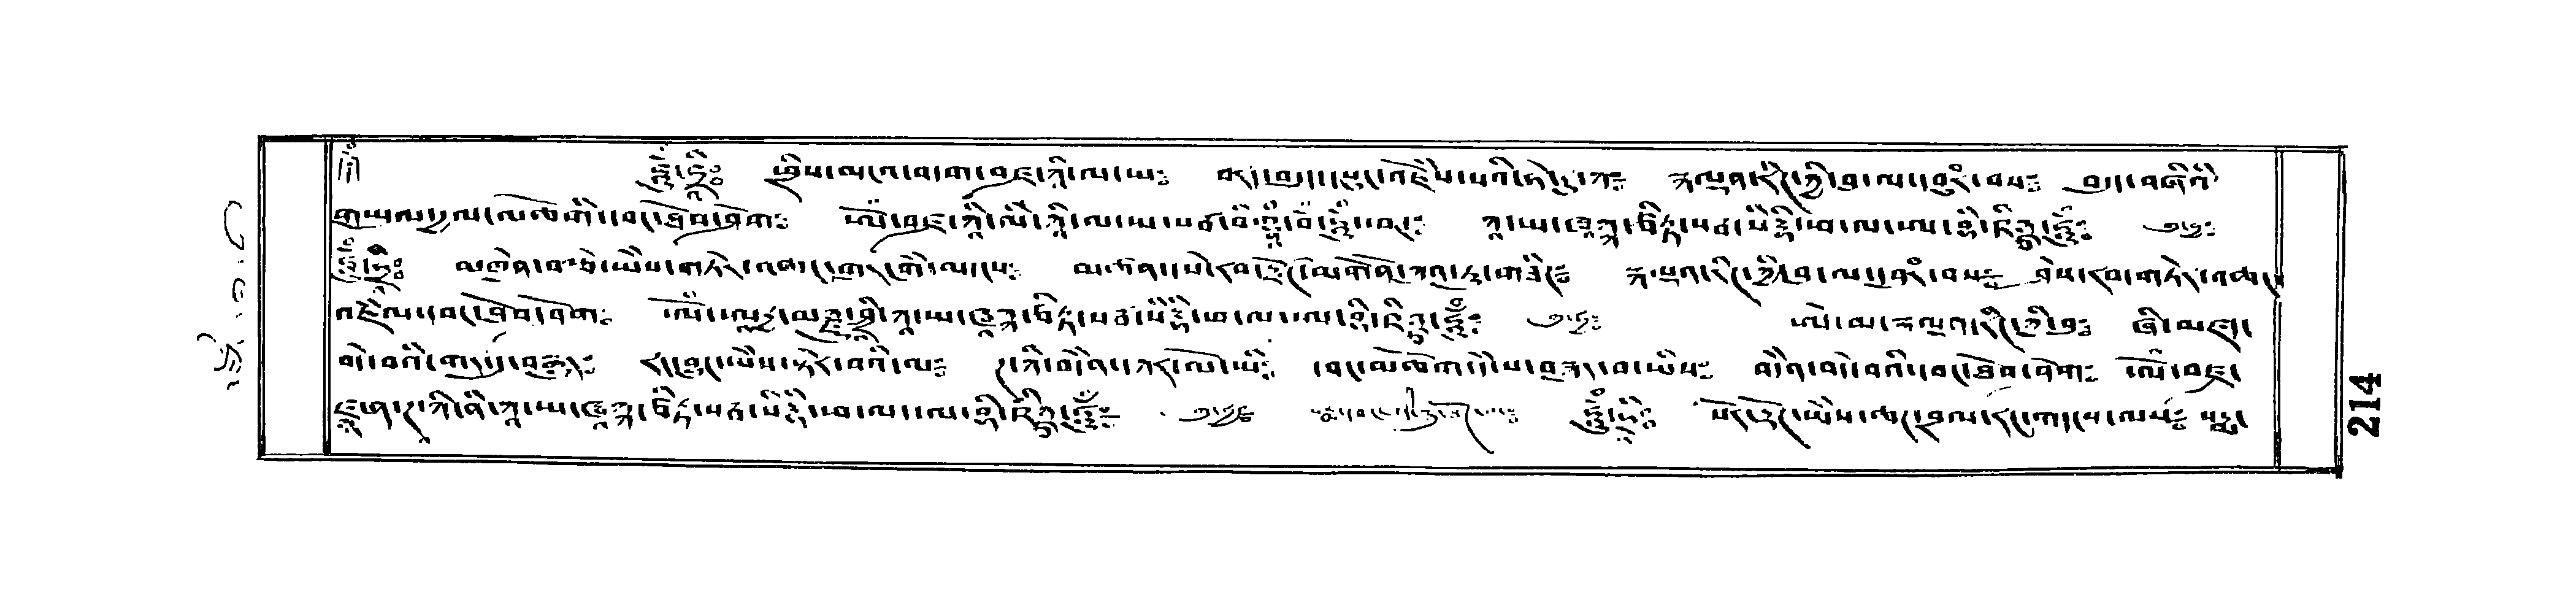ཧཱུྃ་ཧྲཱིཿ ཕྲིན་ལས་མངའ་བདག་བཛྲ་ཀཱི་ལ་ཡ༔ བར་ཆད་བདུད་དཔུང་འཇོམས་པའི་ཧེ་རུ་ཀ༔ སྐལ་ལྡན་རིགས་ཀྱི་བུ་ལ་དབང་བསྐུར་བས༔ བདུད་བཞིའི་
གཡུལ་རྒྱལ་མཆོག་གི་དབང་ཐོབ་ཤོག༔ ཨོཾ་བཛྲ་ཀཱི་ལི་ཀཱི་ལ་ཡ་སརྦ་བིགྷཱཾ་བྃ་ཧཱུྃ་ཕཊ༔ ཀཱ་ཡ་ཝཱཀྐ་ཙིཏྟ་སརྦ་སིདྡྷི་ཕ་ལ་ཨ་བྷི་རིཉྩ་ཧཱུྃ༔ གུ་ཧྱ༔ 
ཧཱུྃ་ཧྲཱིཿ མཁྱེན་བརྩེ་ཡེ་ཤེས་གཏེར་འཆང་གུར་གུམ་མདངས༔ མཚན་དཔེ་རབ་རྫོགས་མགོན་པོ་ཀུན་ཏུ་གཟིགས༔ སྐལ་ལྡན་རིགས་ཀྱི་བུ་ལ་དབང་བསྐུར་བས༔ ཤེས་རབ་གཏེར་འཆང་
འཇམ་དཔལ་དབང་ཐོབ་ཤོག༔ ཨོཾ་ཨཱརྻ་མཉྫུ་ཤྲཱི་ཀཱ་ཡ་ཝཱཀྐ་ཙིཏྟ་སརྦ་སིདྡྷི་ཕ་ལ་ཨ་བྷི་རིཉྩ་ཧཱུྃ༔ གུ་ཧྱ༔ ཨེ་མ་སྐལ་ལྡན་རིགས་ཀྱི་བུ༔ ཞི་མཛད་
བདེ་བའི་གར་དུ་བསྒྱུར༔ རང་བྱུང་ཡེ་ཤེས་སྟེར་བའི་མ༔ ཌཱ་ཀི་བདེ་ཆེན་དཀར་མོ་ཡི༔ དབང་མཆོག་དམ་པ་བསྐུར་བ་ཡིས༔ བདེ་ཆེན་བདེ་བའི་དབང་ཐོབ་ཤོག༔ ཨོཾ་བཛྲ་
ཛྙཱ་ན་ཌཱ་ཀི་ནི་ཀཱ་ཡ་ཝཱཀྐ་ཙིཏྟ་སརྦ་སི་དྡྷི་ཕ་ལ་ཨ་བྷི་རིཉྩ་ཧཱུྃ༔ གུ་ཧྱ༔ པདྨ་དབང་གི་སྐུ་ཐོགས་ལ༔ ཧཱུྃ་ཧྲཱིཿ སོར་རྟོགས་ཡེ་ཤེས་ཆགས་བྲལ་རང་གདངས་ལས༔ པདྨ་